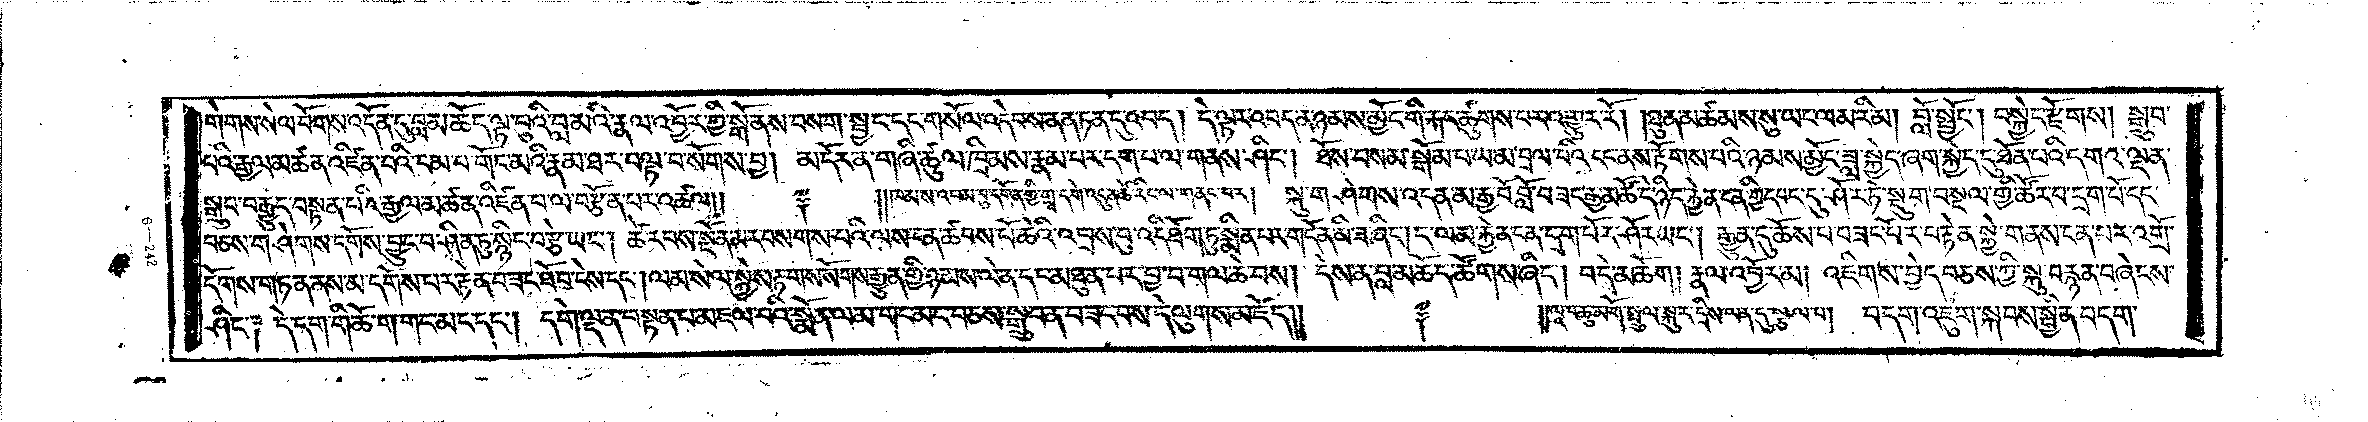གེགས་སེལ་བོགས་འདོན་དུ་བླ་མཆོད་ལྟ་བུའི་བླ་མའི་རྣལ་འབྱོར་གྱི་སྒོ་ནས་བསག་སྦྱང་དང་གསོལ་འདེབས་ནན་ཏན་དུ་འབད། དེ་ལྟར་འབད་ན་ཉམས་མྱོང་གི་རྐང་ཚུགས་བར་འགྱུར་རོ། །ཐུན་མཚམས་སུ་ཡབ་ལམ་རིམ། བློ་སྦྱོང་། བསྐྱེད་རྫོགས། སྒྲུབ་
པའི་རྒྱལ་མཚན་འཛིན་པའི་དམ་པ་གོང་མའི་རྣམ་ཐར་བལྟ་བ་སོགས་བྱ། མདོར་ན་གཞི་ཚུལ་ཁྲིམས་རྣམ་པར་དག་པ་ལ་གནས་ཤིང་། ཐོས་བསམ་སྒོམ་པ་ཡ་མ་བྲལ་བའི་ངང་ནས་རྟོགས་པའི་ཉམས་མྱོང་ཟླ་སྐྱེད་ཞག་སྐྱེད་དུ་ཐོན་པའི་དགའ་ལྡན་
སྒྲུབ་བརྒྱུད་བསྟན་པའི་རྒྱལ་མཚན་འཛིན་པ་ལ་བརྩོན་པར་འཚལ།། ༈ །།ཁམས་འབམ་བུ་དགོན་གྱི་གྲྭ་དགེ་འདུན་ཚེ་རིང་ལ་གནང་བར།  སྐུ་གཤེགས་འདན་མ་རྒྱ་བོ་བློ་བཟང་རྒྱ་མཚོ་དེ་ཉིད་རྐྱེན་ངན་གྱི་དབང་དུ་ཤོར་ཏེ་སྡུག་བསྔལ་གྱི་ཚོར་བ་དྲག་པོ་དང་
བཅས་གཤེགས་དགོས་བྱུང་བ་ཤིན་ཏུ་སྙིང་བརྩེ་ཡང་། ཚེ་རབས་སྔོན་མར་བསགས་པའི་ལས་ངན་ཚབས་པོ་ཆེའི་འབྲས་བུ་འདི་ཐོག་ཏུ་སྨིན་པར་གདོན་མི་ཟ་ཞིང་། ད་ལམ་རྐྱེན་ངན་དྲག་པོར་ཤོར་ཡང་། རྒྱུན་དུ་ཆོས་པ་བཟང་པོར་བརྟེན་སྐྱེ་གནས་ངན་བར་འགྲོ་
དགོས་གཏན་ནས་མ་དགོས་པར་རྟེན་བཟང་ཐོབ་ངེས་དང་། ལམ་སེལ་སྐྱེས་རྟགས་སོགས་རྒྱུན་གྱི་ཉམས་ལེན་དང་མཐུན་པར་བྱ་བ་གལ་ཆེ་བས། དེས་ན་བླ་མཆོད་ཚོགས་ཞིང་། བདེ་མཆོག། རྣལ་འབྱོར་མ། འཇིགས་བྱེད་བཅས་ཀྱི་སྐུ་བརྙན་བཞེངས་
ཤིང༑ དེ་དག་གི་ཆོ་ག་གང་མང་དང་། དགེ་ལྡན་བསྟན་པ་མཇལ་བའི་སྨོན་ལམ་གང་མང་བཅས་སྒྲུབ་ན་བཟང་བས་དེ་ལུགས་མཛོད།། ༈ །།ལཱ་པ་ཆུ་མགོ་སྤྲུལ་སྐུར་དྲིས་ལན་དུ་སྩལ་པ།  བདག་འཇུག་སྐབས་སྦྱིན་བདག་